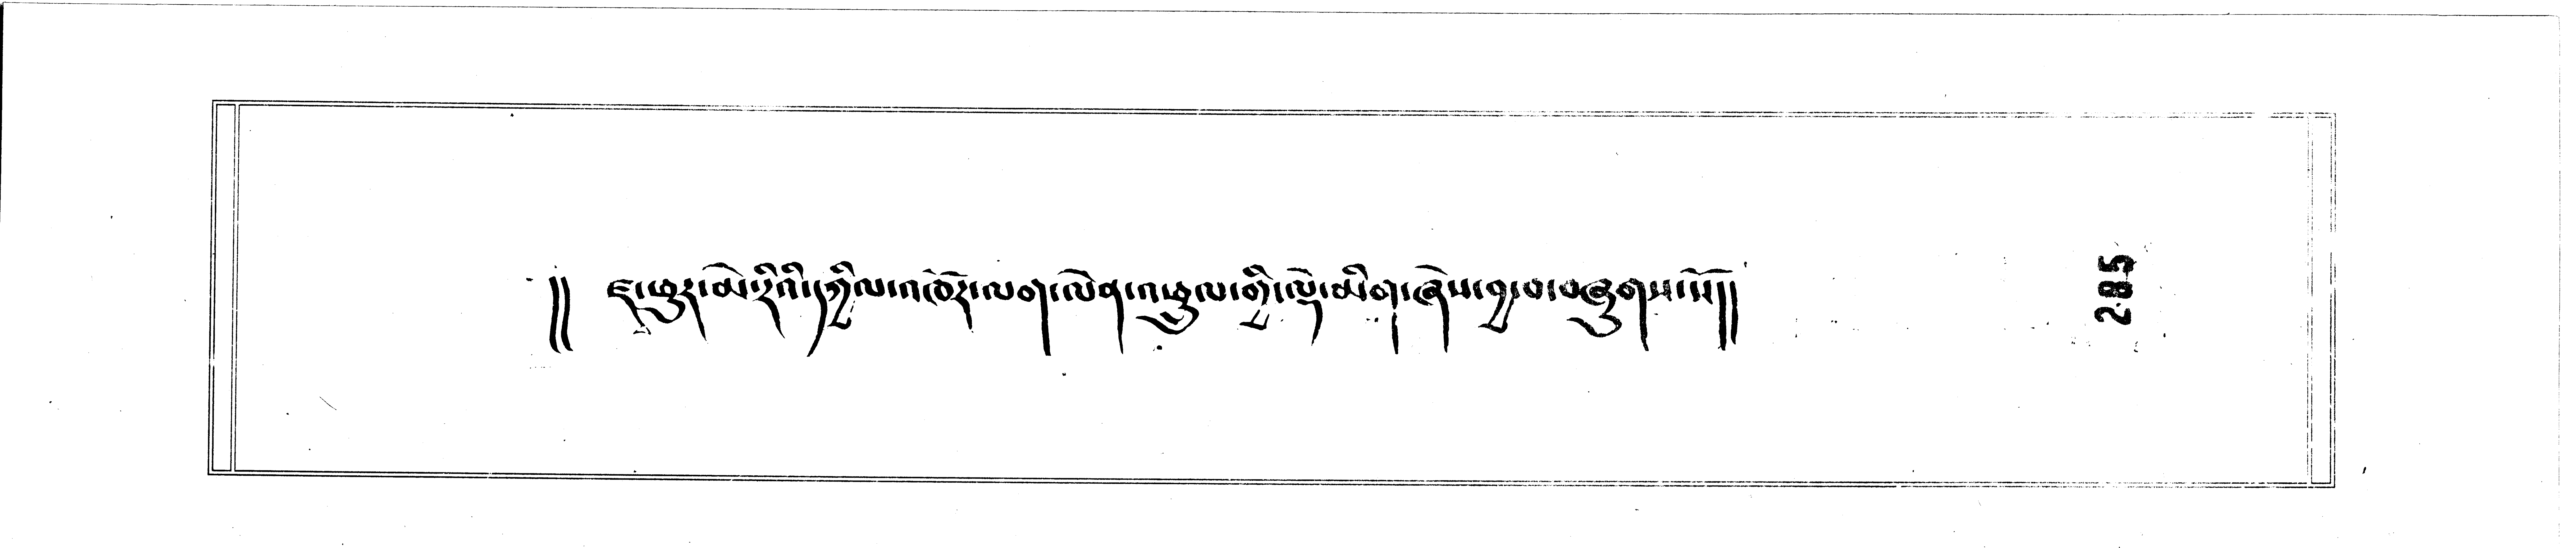ཛྭ་ཕུར་མེ་རིའི་དཀྱིལ་འཁོར་ལག་ལེན་འཕྲུལ་གྱི་ལྡེ་མིག་ཞེས་བྱ་བ་བཞུགས་སོ། །